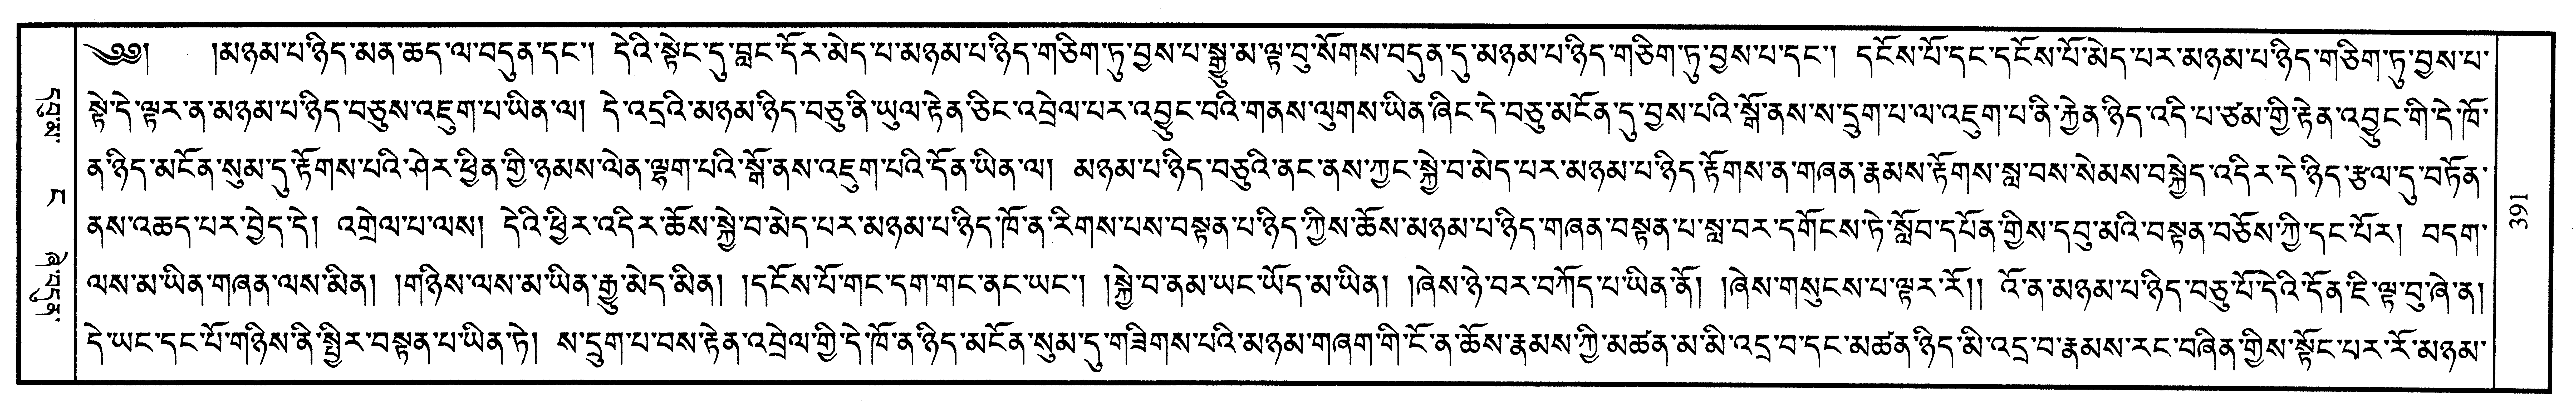༄༅། །མཉམ་པ་ཉིད་མན་ཆད་ལ་བདུན་དང་། དེའི་སྟེང་དུ་བླང་དོར་མེད་པ་མཉམ་པ་ཉིད་གཅིག་ཏུ་བྱས་པ་སྒྱུ་མ་ལྟ་བུ་སོགས་བདུན་དུ་མཉམ་པ་ཉིད་གཅིག་ཏུ་བྱས་པ་དང་། དངོས་པོ་དང་དངོས་པོ་མེད་པར་མཉམ་པ་ཉིད་གཅིག་ཏུ་བྱས་པ་
སྟེ་དེ་ལྟར་ན་མཉམ་པ་ཉིད་བཅུས་འཇུག་པ་ཡིན་ལ། དེ་འདྲའི་མཉམ་ཉིད་བཅུ་ནི་ཡུལ་རྟེན་ཅིང་འབྲེལ་བར་འབྱུང་བའི་གནས་ལུགས་ཡིན་ཞིང་དེ་བཅུ་མངོན་དུ་བྱས་པའི་སྒོ་ནས་ས་དྲུག་པ་ལ་འཇུག་པ་ནི་རྐྱེན་ཉིད་འདི་པ་ཙམ་གྱི་རྟེན་འབྱུང་གི་དེ་ཁོ་
ན་ཉིད་མངོན་སུམ་དུ་རྟོགས་པའི་ཤེར་ཕྱིན་གྱི་ཉམས་ལེན་ལྷག་པའི་སྒོ་ནས་འཇུག་པའི་དོན་ཡིན་ལ། མཉམ་པ་ཉིད་བཅུའི་ནང་ནས་ཀྱང་སྐྱེ་བ་མེད་པར་མཉམ་པ་ཉིད་རྟོགས་ན་གཞན་རྣམས་རྟོགས་སླ་བས་སེམས་བསྐྱེད་འདིར་དེ་ཉིད་རྩལ་དུ་བཏོན་
ནས་འཆད་པར་བྱེད་དེ། འགྲེལ་པ་ལས། དེའི་ཕྱིར་འདིར་ཆོས་སྐྱེ་བ་མེད་པར་མཉམ་པ་ཉིད་ཁོ་ན་རིགས་པས་བསྟན་པ་ཉིད་ཀྱིས་ཆོས་མཉམ་པ་ཉིད་གཞན་བསྟན་པ་སླ་བར་དགོངས་ཏེ་སློབ་དཔོན་གྱིས་དབུ་མའི་བསྟན་བཅོས་ཀྱི་དང་པོར། བདག་
ལས་མ་ཡིན་གཞན་ལས་མིན། །གཉིས་ལས་མ་ཡིན་རྒྱུ་མེད་མིན། །དངོས་པོ་གང་དག་གང་ནང་ཡང་། །སྐྱེ་བ་ནམ་ཡང་ཡོད་མ་ཡིན། །ཞེས་ཉེ་བར་བཀོད་པ་ཡིན་ནོ། །ཞེས་གསུངས་པ་ལྟར་རོ།། འོ་ན་མཉམ་པ་ཉིད་བཅུ་པོ་དེའི་དོན་ཇི་ལྟ་བུ་ཞེ་ན།
དེ་ཡང་དང་པོ་གཉིས་ནི་སྤྱིར་བསྟན་པ་ཡིན་ཏེ། ས་དྲུག་པ་བས་རྟེན་འབྲེལ་གྱི་དེ་ཁོ་ན་ཉིད་མངོན་སུམ་དུ་གཟིགས་པའི་མཉམ་གཞག་གི་ངོ་ན་ཆོས་རྣམས་ཀྱི་མཚན་མ་མི་འདྲ་བ་དང་མཚན་ཉིད་མི་འདྲ་བ་རྣམས་རང་བཞིན་གྱིས་སྟོང་པར་རོ་མཉམ་